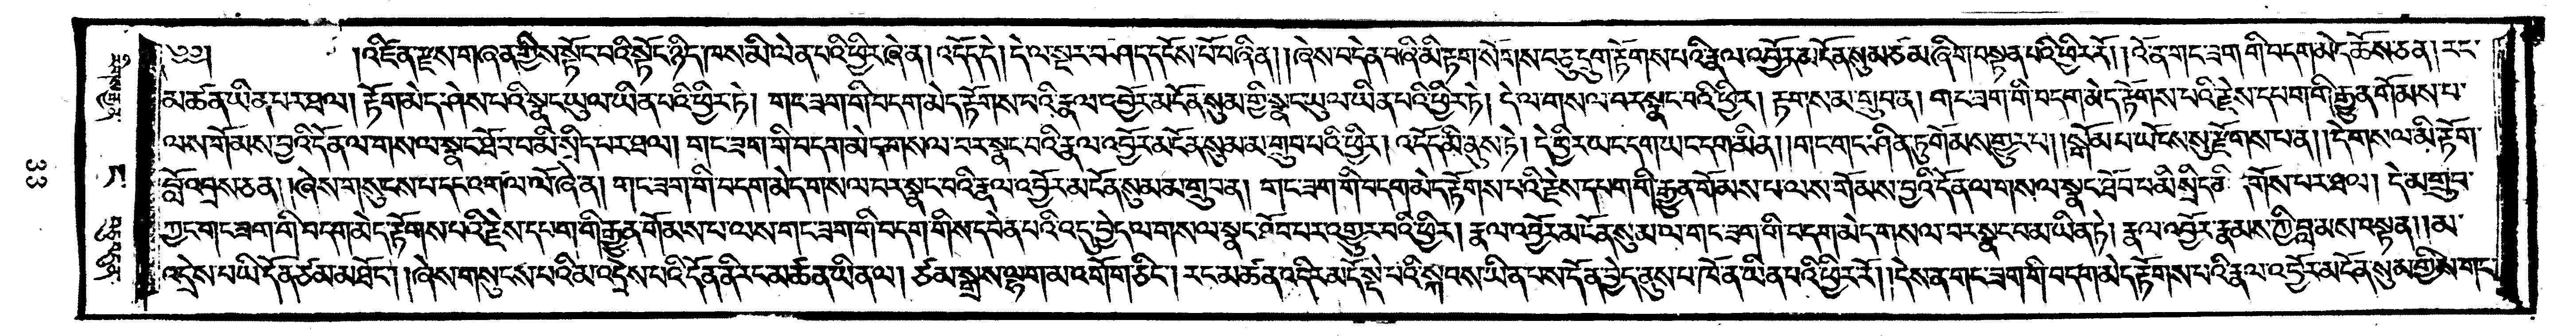༄༅། །འཛིན་རྫས་གཞན་གྱིས་སྟོང་པའི་སྟོང་ཉིད་ཁས་མི་ལེན་པའི་ཕྱིར་ཞེ་ན། འདོད་དེ། དེ་ལ་སྔར་བཤད་དངོས་པོ་བཞིན། །ཞེས་བདེན་བཞི་མི་རྟག་སོགས་བཅུ་དྲུག་རྟོགས་པའི་རྣལ་འབྱོར་མངོན་སུམ་ཙམ་ཞིག་བསྟན་པའི་ཕྱིར་རོ། །འོ་ན་གང་ཟག་གི་བདག་མེད་ཆོས་ཅན། རང་
མཚན་ཡིན་པར་ཐལ། རྟོག་མེད་ཤེས་པའི་སྣང་ཡུལ་ཡིན་པའི་ཕྱིར་ཏེ། གང་ཟག་གི་བདག་མེད་རྟོགས་པའི་རྣལ་འབྱོར་མངོན་སུམ་གྱི་སྣང་ཡུལ་ཡིན་པའི་ཕྱིར་ཏེ། དེ་ལ་གསལ་བར་སྣང་བའི་ཕྱིར། རྟགས་མ་གྲུབ་ན། གང་ཟག་གི་བདག་མེད་རྟོགས་པའི་རྗེས་དཔག་གི་རྒྱུན་གོམས་པ་
ལས་གོམས་བྱའི་དོན་ལ་གསལ་སྣང་ཐོབ་པ་མི་སྲིད་པར་ཐལ། གང་ཟག་གི་བདག་མེད་གསལ་བར་སྣང་བའི་རྣལ་འབྱོར་མངོན་སུམ་མ་གྲུབ་པའི་ཕྱིར། འདོད་མི་ནུས་ཏེ། དེ་ཕྱིར་ཡང་དག་ཡང་དག་མིན། །གང་གང་ཤིན་ཏུ་གོམས་གྱུར་པ། །སྒོམ་པ་ཡོངས་སུ་རྫོགས་པ་ན། །དེ་གསལ་མི་རྟོག་
བློ་འབྲས་ཅན། །ཞེས་གསུངས་པ་དང་འགལ་ལོ་ཞེ་ན། གང་ཟག་གི་བདག་མེད་གསལ་བར་སྣང་བའི་རྣལ་འབྱོར་མངོན་སུམ་མ་གྲུབ་ན། གང་ཟག་གི་བདག་མེད་རྟོགས་པའི་རྗེས་དཔག་གི་རྒྱུན་གོམས་པ་ལས་གོམས་བྱའི་དོན་ལ་གསལ་སྣད་ཐོབ་པ་མི་སྲིད་མི་དགོས་པར་ཐལ། དེ་མ་གྲུབ་
ཀྱང་གང་ཟག་གི་བདག་མེད་རྟོགས་པའི་རྗེས་དཔག་གི་རྒྱུན་གོམས་པ་ལས་གང་ཟག་གི་བདག་གིས་དབེན་པའི་འདུ་བྱེད་ལ་གསལ་སྣང་ཐོབ་པར་འགྱུར་བའི་ཕྱིར། རྣལ་འབྱོར་མངོན་སུམ་ལ་གང་ཟག་གི་བདག་མེད་གསལ་བར་སྣང་བ་མ་ཡིན་ཏེ། རྣལ་འབྱོར་རྣམས་ཀྱི་བླ་མས་བསྟན། །མ་
འདྲེས་པ་ཡི་དོན་ཙམ་མཐོང་། །ཞེས་གསུངས་པའི་མ་འདྲེས་པའི་དོན་ནི་རང་མཚན་ཡིན་ལ། ཙམ་སྒྲས་ལྷག་མ་འགོག་ཅིང་། རང་མཚན་འདིར་མདོ་སྡེ་པའི་སྐབས་ཡིན་པས་དོན་བྱེད་ནུས་པ་ཁོ་ན་ཡིན་པའི་ཕྱིར་རོ། །དེས་ན་གང་ཟག་གི་བདག་མེད་རྟོགས་པའི་རྣལ་འབྱོར་མངོན་སུམ་གྱི་གང་